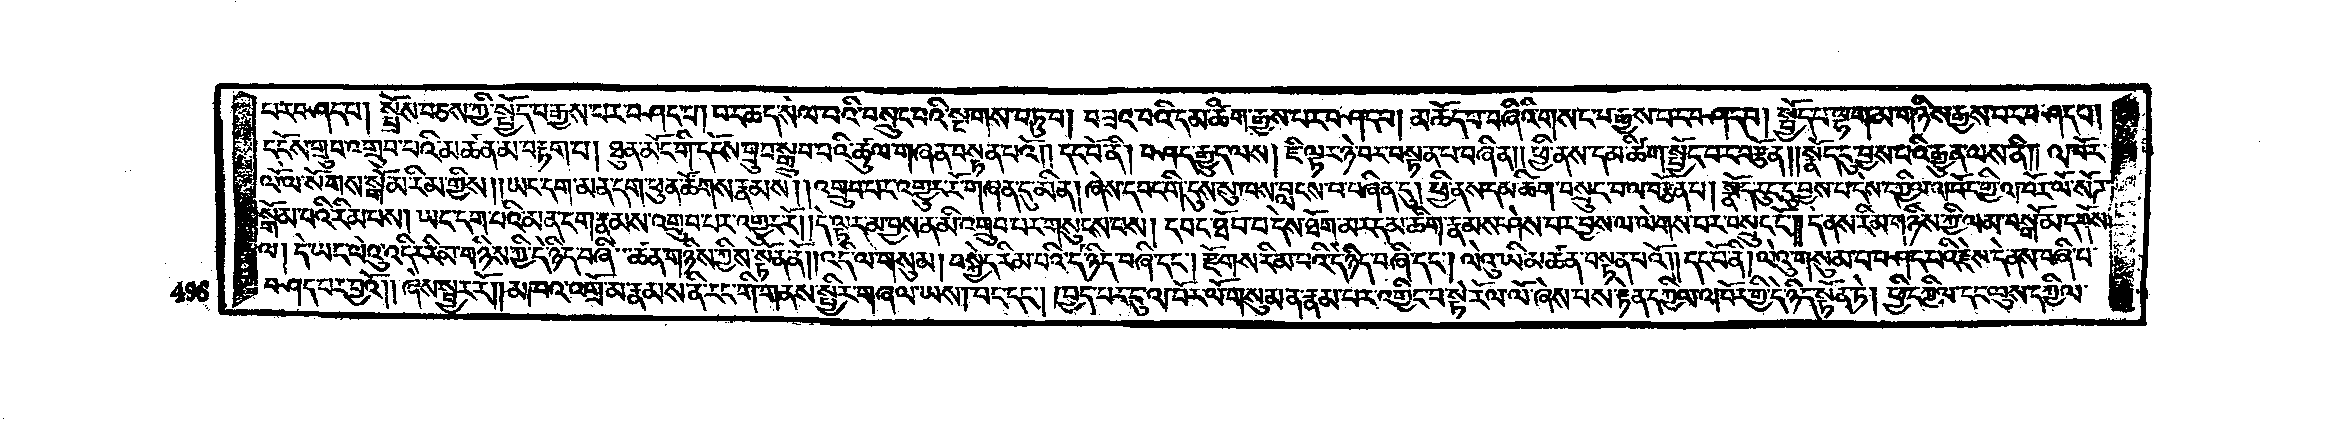བར་བཤད་པ། སྤྲོས་བཅས་ཀྱི་སྤྱོད་པ་རྒྱས་པར་བཤད་པ། བར་ཆད་སེལ་བའི་བསྲུང་བའི་སྔགས་བཏུ་བ། བཟའ་བའི་དམ་ཚིག་རྒྱས་པར་བཤད་པ། མཆོད་པ་བཞིའི་གསང་བ་རྒྱས་པར་བཤད་པ། སྤྱོད་པ་ལྷག་མ་གཉིས་རྒྱས་པར་བཤད་པ།
དངོས་གྲུབ་འགྲུབ་པའི་མཚན་མ་བརྟག་པ། ཐུན་མོང་གི་དངོས་གྲུབ་སྒྲུབ་པའི་ཚུལ་གཞན་བསྟན་པའོ། །དང་པོ་ནི། བཤད་རྒྱུད་ལས། ཇི་ལྟར་ཉེ་བར་བསྟན་པ་བཞིན། །ཕྱི་ནས་དམ་ཚིག་སྤྱོད་པར་བརྩོན། །སྣོད་དུ་བྱས་པའི་རྒྱུན་ལས་ནི། །འཁོར་
ལོ་ལ་སོགས་སྒོམ་རིམ་གྱིས། །ཡང་དག་མན་ངག་ཕུན་ཚོགས་རྣམས། །འགྲུབ་པར་འགྱུར་རོ་གཞན་དུ་མིན། ཞེས་དབང་གི་དུས་སུ་ཁས་བླངས་པ་བཞིན་དུ། ཕྱི་ནས་དམ་ཚིག་བསྲུང་བ་ལ་བརྩོན་པ། སྣོད་རུང་དུ་བྱས་པ་དེས་དཀྱིལ་འཁོར་གྱི་འཁོར་ལོ་སོགས་
སྒོམ་པའི་རིམ་པས། ཡང་དག་པའི་མན་ངག་རྣམས་འགྲུབ་པར་འགྱུར་རོ། །དེ་ལྟར་མ་བྱས་ན་མི་འགྲུབ་པར་གསུངས་པས། དབང་ཐོབ་པ་དེས་ཐོག་མར་དམ་ཚིག་རྣམས་ཤེས་པར་བྱས་ལ་ལེགས་པར་བསྲུང་ངོ། །དེ་ནས་རིམ་གཉིས་ཀྱི་ལམ་བསྒོམ་དགོས་
ལ། དེ་ཡང་ལེའུ་འདིར་རིམ་གཉིས་ཀྱི་དེ་ཉིད་བཞི་ཚན་གཉིས་ཀྱིས་སྟོན་ནོ། །འདི་ལ་གསུམ། བསྐྱེད་རིམ་པའི་དེ་ཉིད་བཞི་དང་། རྫོགས་རིམ་པའི་དེ་ཉིད་བཞི་དང་། ལེའུ་ཡི་མཚན་བསྟན་པའོ། །དང་པོ་ནི། ལེའུ་གསུམ་པ་བཤད་པའི་རྗེས་དེ་ནས་བཞི་པ་
བཤད་པར་བྱའོ། །ཞེས་སྦྱར་རོ། །མཁའ་འགྲོ་མ་རྣམས་ནི་རང་གི་གནས་སྤྱིར་གཞལ་ཡས་ཁང་དང་། ཁྱད་པར་དུ་འཁོར་ལོ་གསུམ་ན་རྣམ་པར་འགྱིང་བ་སྟེ་རོལ་ལོ་ཞེས་པས་རྟེན་དཀྱིལ་འཁོར་གྱི་དེ་ཉིད་སྟོན་ཏེ། ཕྱི་དཀྱིལ་དང་ལུས་དཀྱིལ་